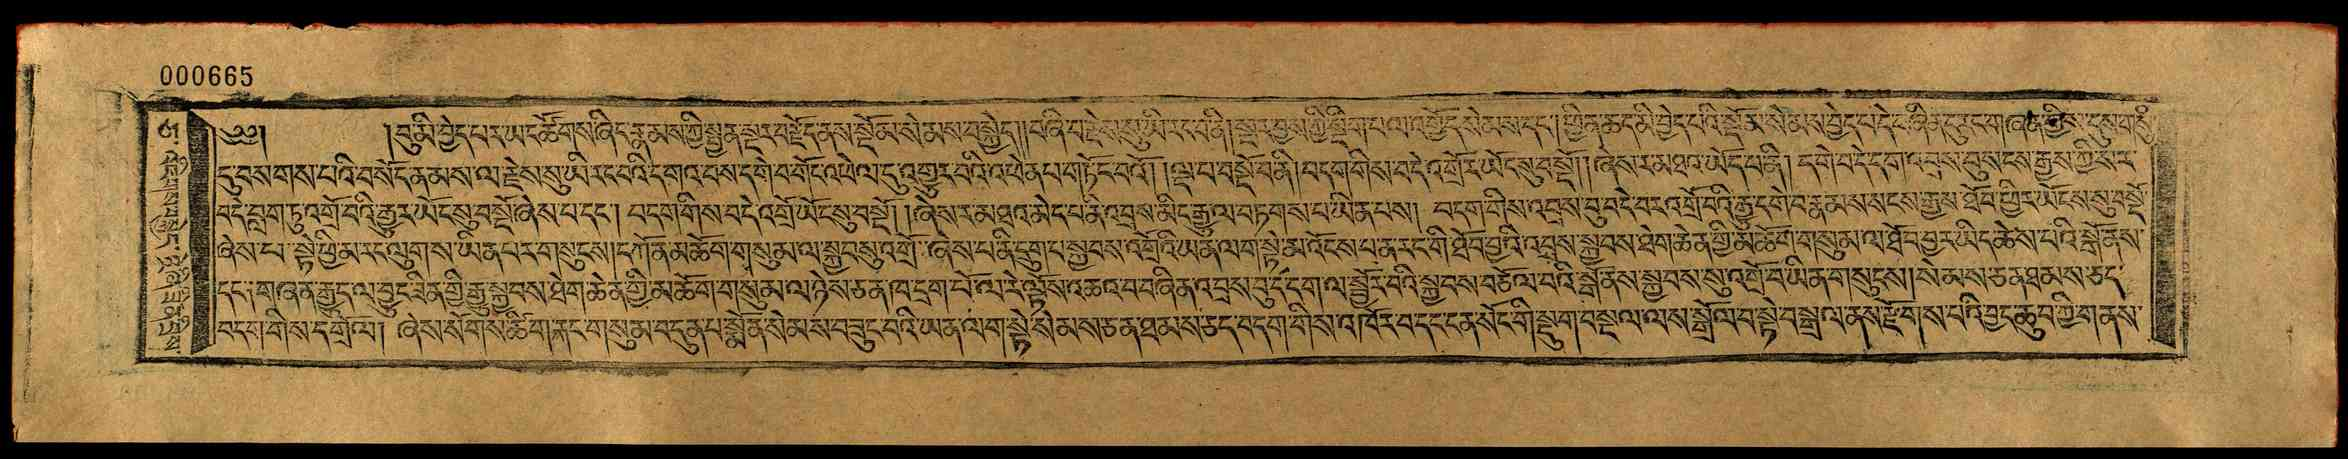༄༅། །བུ་མི་བྱེད་པར་ཡང་ཚོགས་ཞིང་རྣམས་ཀྱི་སྤྱན་སྔར་བརྗོད་ནས་སྡོམ་སེམས་བསྐྱེད། །བཞི་པ་རྗེས་སུ་ཡི་རང་བ་ནི། སྔར་བྱས་ཀྱི་སྡིག་པ་ལ་འགྱོད་སེམས་དང་། ཕྱིན་ཆད་མི་བྱེད་པའི་སྡོམ་སེམས་བྱེད་པ་དེ་བཞིན་དུ་རང་གཞན་གྱིས་དུས་གསུཾ་
དུ་བསགས་པའི་བསོད་ནམས་ལ་རྗེས་སུ་ཡི་རང་བའི་དགའ་བས་དགེ་བ་གོང་འཕེལ་དུ་འགྱུར་བའི་འཕེན་པ་གཏོང་བའོ། །ལྔ་པ་བསྔོ་བ་ནི། བདག་གིས་བདེ་འགྲོར་ཡོངས་སུ་བསྔོ། །ཞེས་ར་མཐའ་ཡོད་པ་ནི། དགེ་བ་དེ་དག་འབྲས་བུ་སངས་རྒྱས་ཀྱི་སར་
བདེ་བླག་ཏུ་འགྲོ་བའི་རྒྱུར་ཡོངས་སུ་བསྔོ་ཞེས་པ་དང་། བདག་གིས་བདེ་འགྲོ་ཡོངས་སུ་བསྔོ། །ཞེས་ར་མཐའ་མེད་པ་ནི་འབྲས་མིང་རྒྱུ་ལ་བཏགས་པ་ཡིན་པས། བདག་གིས་འབྲས་བུ་བདེ་བར་འགྲོ་བའི་རྒྱུ་དགེ་བ་རྣམས་སངས་རྒྱས་ཐོབ་ཕྱིར་ཡོངས་སུ་བསྔོ་
ཞེས་པ་སྟེ་ཕྱི་མ་རང་ལུགས་ཡིན་པར་གསུངས། དཀོན་མཆོག་གསུམ་ལ་སྐྱབས་སུ་འགྲོ། ཞེས་པ་ནི་དྲུག་པ་སྐྱབས་འགྲོའི་ཡན་ལག་སྟེ་མ་འོངས་པ་ན་རང་གི་ཐོབ་བྱའི་འབྲས་སྐྱབས་ཐེག་ཆེན་གྱི་མཆོག་གསུམ་ལ་ཐོབ་བྱར་ཡིད་ཆེས་པའི་སྒོ་ནས་
དང༑ གཞན་རྒྱུད་ལ་བྱུང་ཟིན་གྱི་རྒྱུ་སྐྱབས་ཐེག་ཆེན་གྱི་མཆོག་གསུམ་ལ་ཉེས་ཅན་ཁ་དྲག་པོ་ལ་རེ་ལྟོས་འཆའ་བ་བཞིན་འབྲས་བུ་དེ་དག་ལ་སྦྱོར་བའི་སྐྱབས་བཅོལ་བའི་སྒོ་ནས་སྐྱབས་སུ་འགྲོ་བ་ཡིན་གསུངས། སེམས་ཅན་ཐམས་ཅད་
བདག་གིས་དགྲོལ། ཞེས་སོགས་ཚིག་རྐང་གསུམ་བདུན་པ་སྨོན་སེམས་བཟུང་བའི་ཡན་ལག་སྟེ་སེམས་ཅན་ཐམས་ཅད་བདག་གིས་འཁོར་བ་དང་ངན་སོང་གི་སྡུག་བསྔལ་ལས་སྒྲོལ་བ་སྟེ་བསྒྲལ་ནས་རྫོགས་པའི་བྱང་ཆུབ་ཀྱི་གནས་